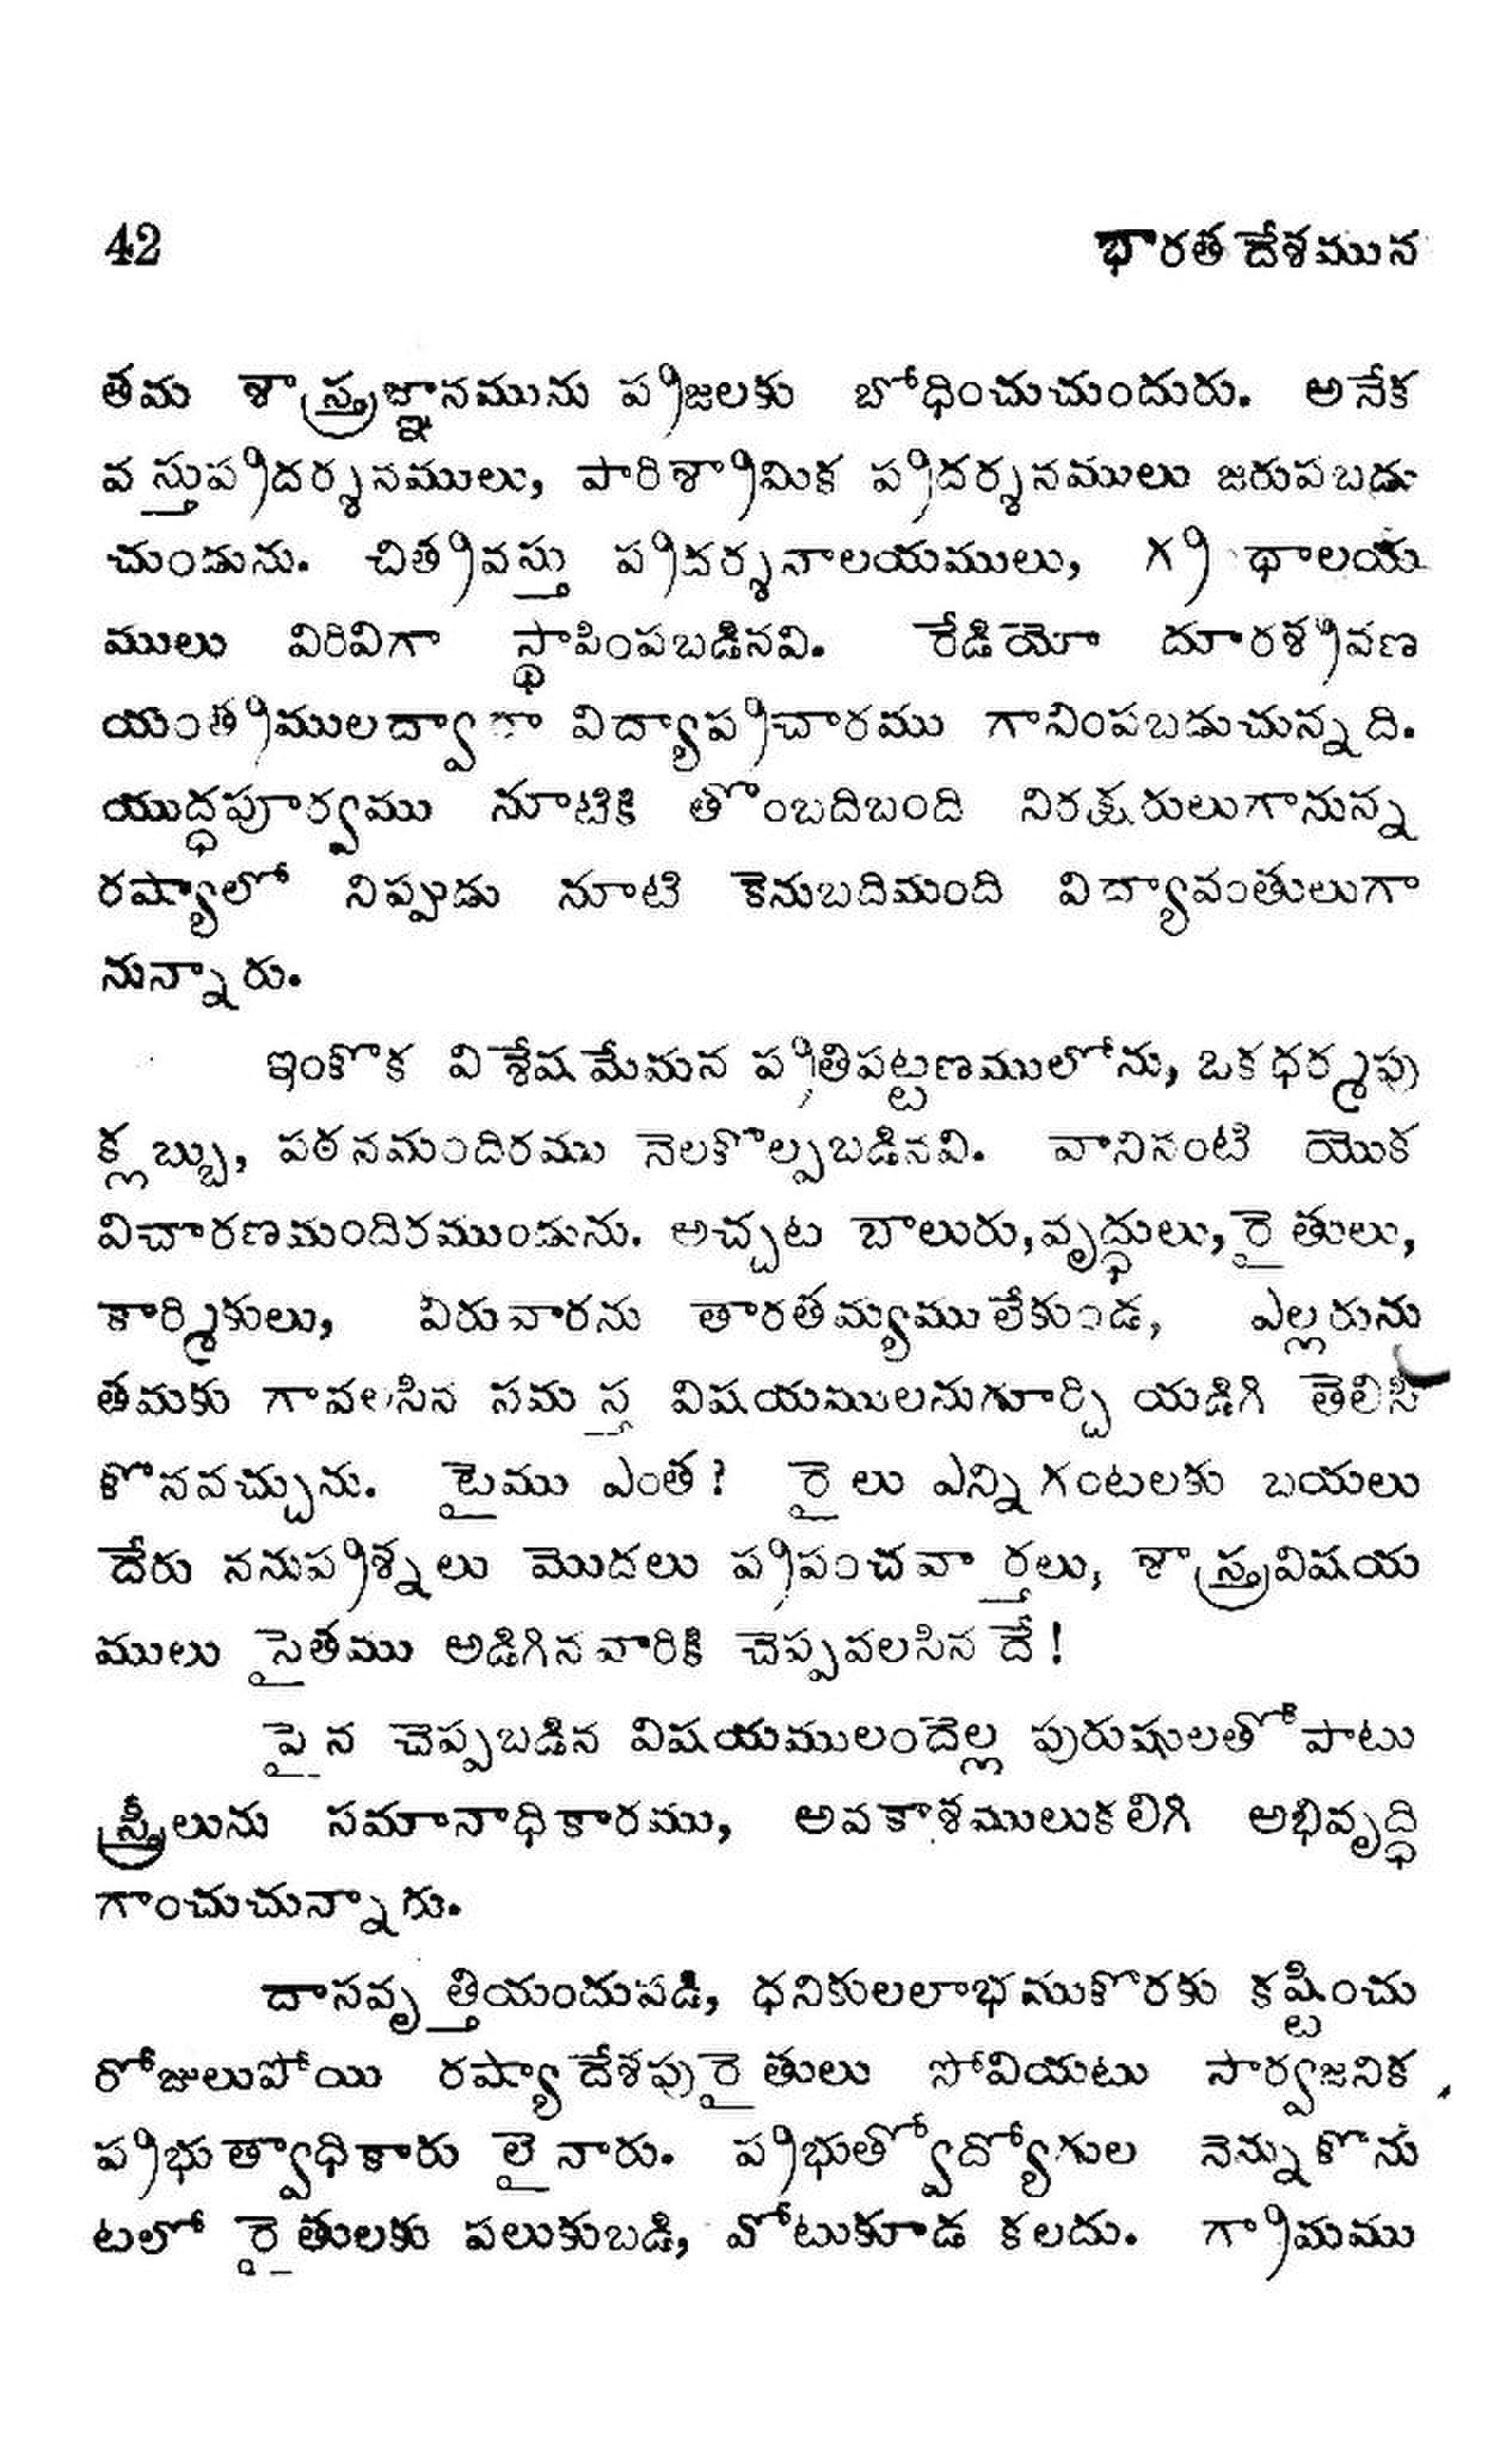తమ శాస్త్రజ్ఞానమును ప్రజలకు బోధించుచుందురు. అనేక వస్తుప్రదర్శనములు, పారిశ్రామిక ప్రదర్శనములు జరుపబడు చుండును. చిత్రవస్తు ప్రదర్శనాలయములు, గ్రంథాలయములు విరివిగా స్థాపింపబడినవి. రేడియో దూరశ్రవణ యంత్రములద్వారా విద్యాప్రచారము గావింపబడుచున్నది. యుద్ధపూర్వము నూటికి తొంబదిమంది నిరక్షరులుగానున్న రష్యాలో నిప్పుడు నూటి కెనుబదిమంది విద్యావంతులుగా నున్నారు.

ఇంకొక విశేషమేమన ప్రతిపట్టణములోను, ఒక ధర్మపు క్లబ్బు, పఠనమందిరము నెలకొల్పబడినవి. వానినంటి యొక విచారణమందిరముండును. అచ్చట బాలురు, వృద్ధులు, రైతులు, కార్మికులు, వీరువారను తారతమ్యము లేకుండ, ఎల్లరును తమకు గావలసిన సమస్త విషయములనుగూర్చి యడిగి తెలిసి కొనవచ్చును. టైము ఎంత? రైలు ఎన్నిగంటలకు బయలుదేరు ననుప్రశ్నలు మొదలు ప్రపంచవార్తలు, శాస్త్రవిషయములు సైతము అడిగిన వారికి చెప్పవలసినదే!

పైన చెప్పబడిన విషయములందెల్ల పురుషులతోపాటు స్త్రీలును సమానాధికారము, అవకాశములుకలిగి అభివృద్ధి గాంచుచున్నారు.

దాసవృత్తియందుపడి, ధనికులలాభముకొరకు కష్టించు రోజులుపోయి రష్యాదేశపురైతులు సోవియటు సార్వజనిక , ప్రభుత్వాధికారు లైనారు. ప్రభుత్వోద్యోగుల నెన్నుకొనుటలో రైతులకు పలుకుబడి, వోటుకూడ కలదు. గ్రామము